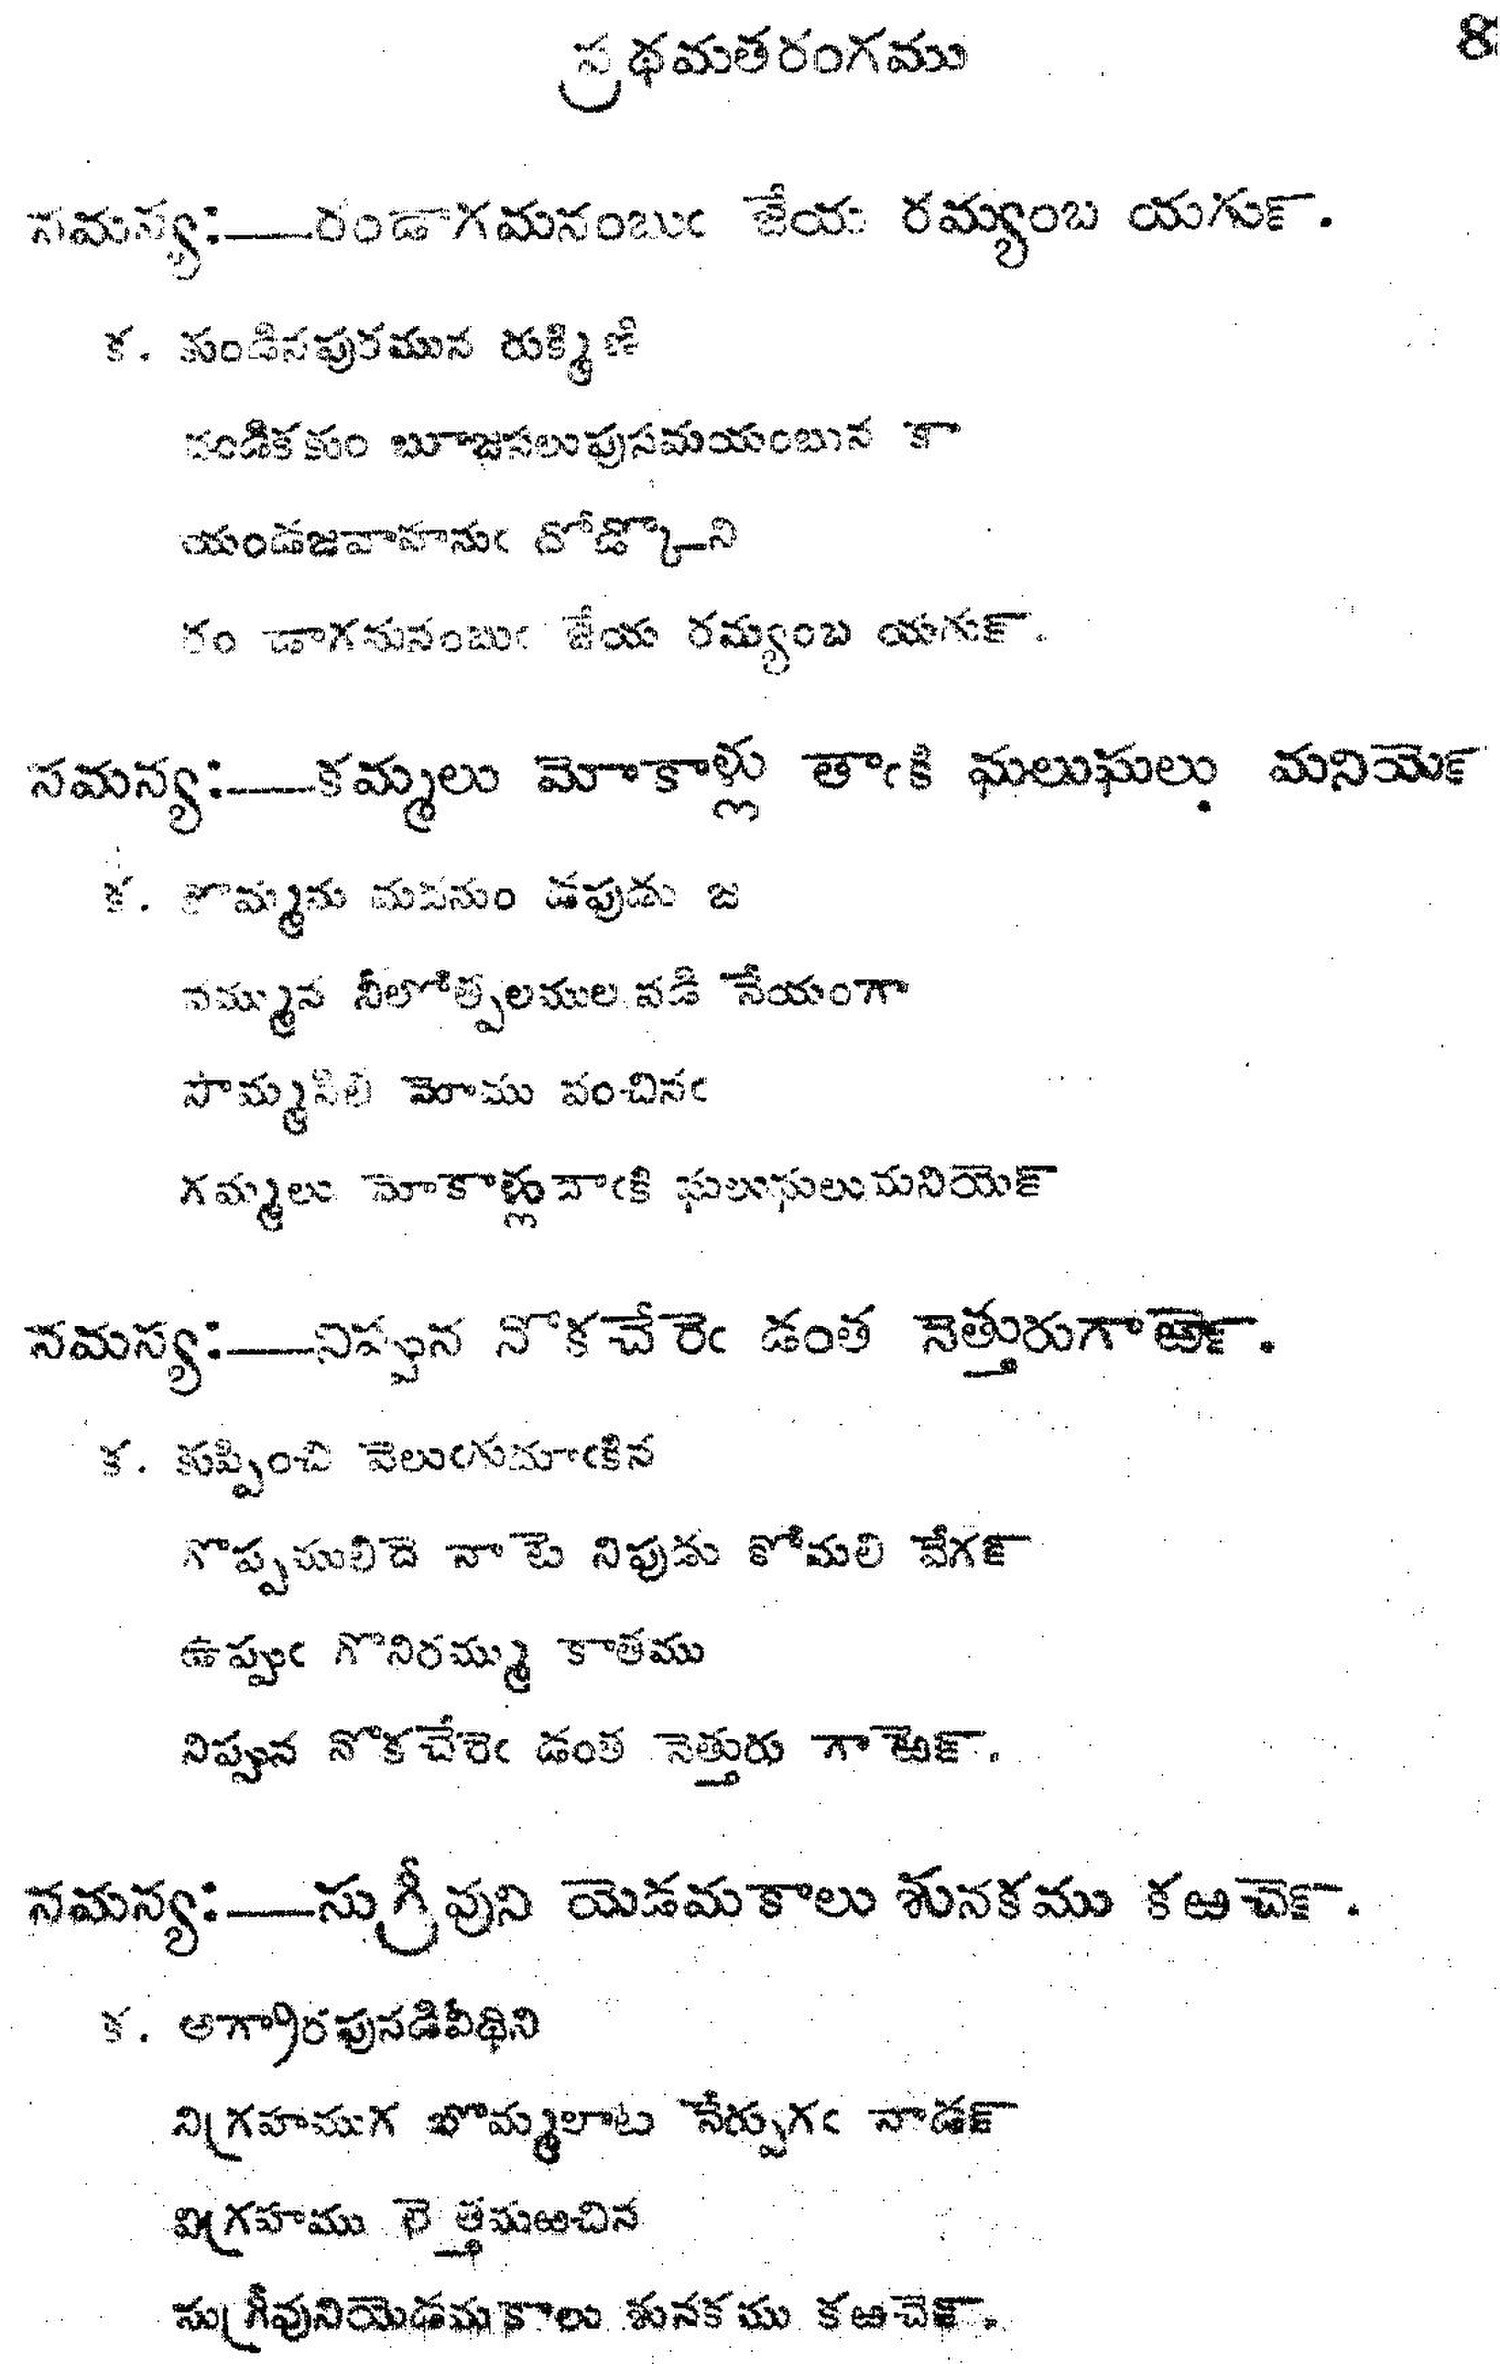సమస్య:—రండాగమనంబుఁ జేయ రమ్యంబ యగున్

క. కుండినపరమున రుక్మిణి
 చండికకుం బూజసలుపుసమయంబున కా
 యండజవాహనుఁ దోడ్కొని
 రం డాగమనంబుఁ జేయ రమ్యంబ యగున్.

సమస్య:—కమ్మలు మోకాళ్ళు తాఁకి ఘలుఘలు మనియెన్

క. కొమ్మను మదనుం డపుడు జ
 వమ్మున నీలోత్పలముల వడి నేయంగా
 సొమ్మసిలి మోము వంచినఁ
 గమ్మలు మోకాళ్ళుదాఁకి ఘలుఘలుమనియెన్.

సమస్య:—నిప్పున నొకచేరెఁ డంత నెత్తురు గాఱెన్

క. కుప్పించి వెలుఁగుదూఁకిన
 గొప్పములిదె నాటె నిపుడు కోమలి వేగన్
 ఉప్పుఁ గొనిరమ్ము కాతము
 నిప్పున నొకచేరెఁ డంత నెత్తురు గాఱెన్.

సమస్య:—సుగ్రీవుని యెడమకాలు శునకము కఱచెన్

క. అగ్రారపునడివీథిని
 నిగ్రహముగ బొమ్మలాట నేర్పుగఁ నాడన్
 విగ్రహము లెత్తమఱచిన
 సుగ్రీవునియెడమకాలు శునకము కఱచెన్.